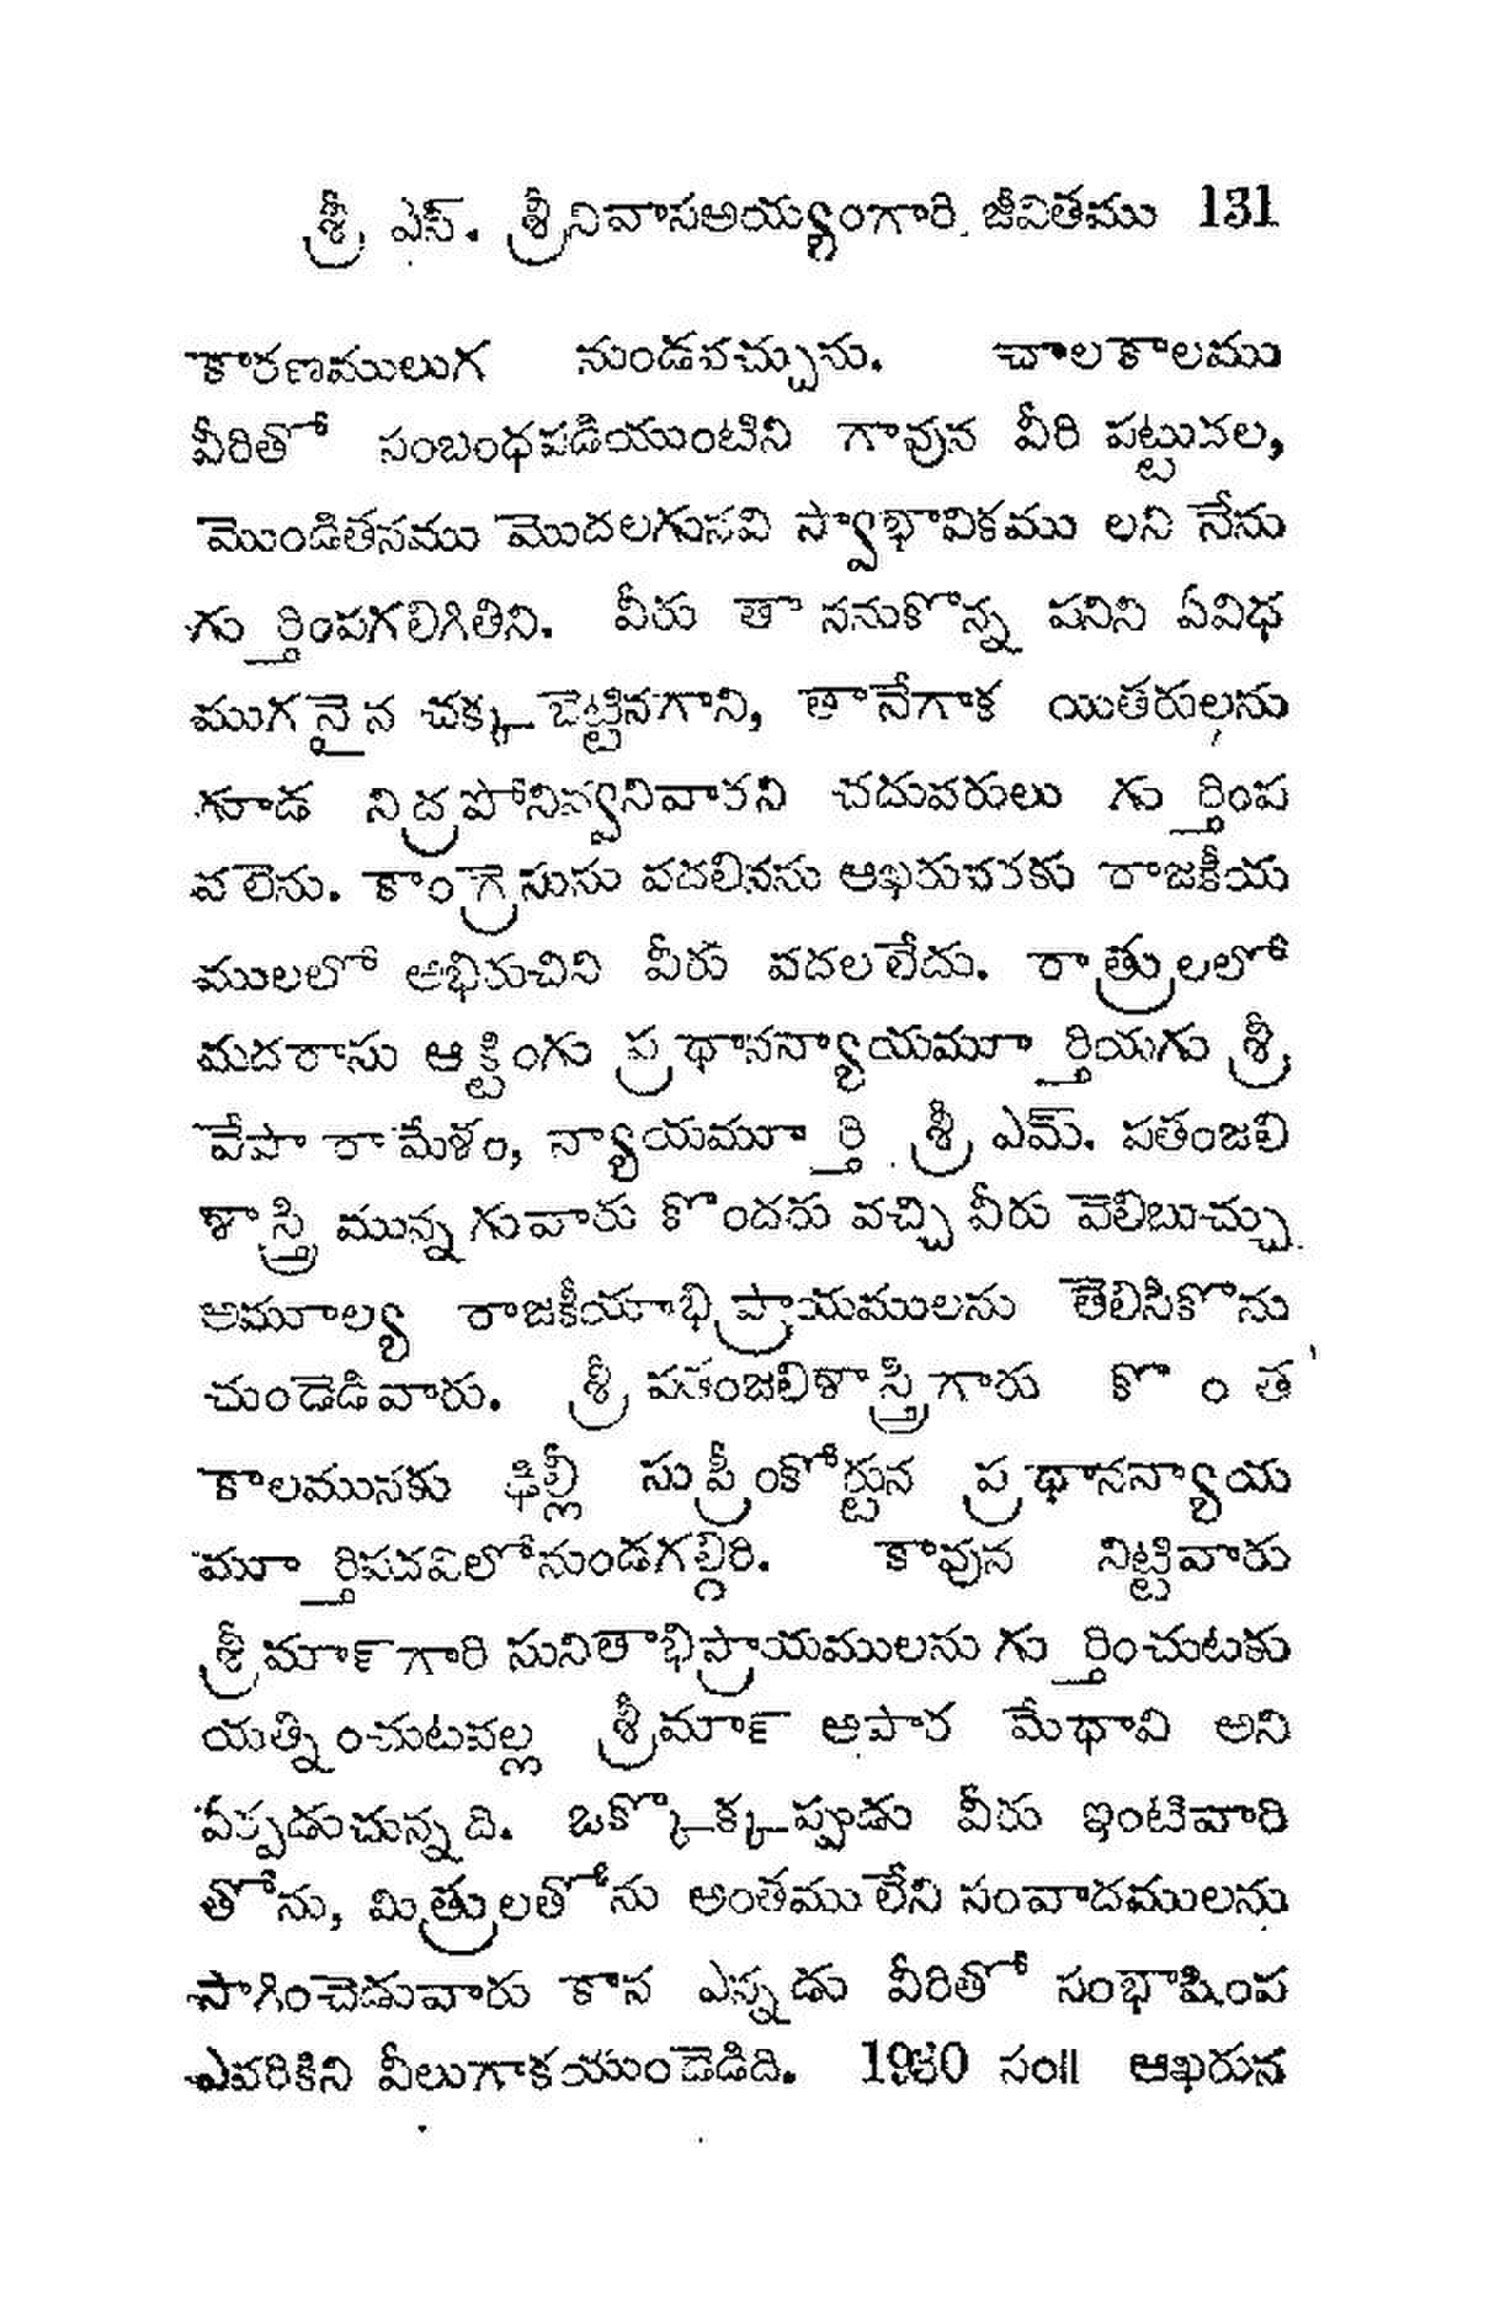కారణములుగ నుండవచ్చును. చాలకాలము వీరితో సంబంధపడియుంటిని గావున వీరి పట్టుదల, మొండితనము మొదలగుసవి స్వాభావికము లని నేను గుర్తింపగలిగితిని. వీరు తా ననుకొన్న పనిని ఏవిధముగనైన చక్కబెట్టినగాని, తానేగాక యితరులను గూడ నిద్రపోనివ్వనివారని చదువరులు గుర్తింపవలెను. కాంగ్రెసును వదలినను ఆఖరువరకు రాజకీయములలో అభిరుచిని వీరు వదలలేదు. రాత్రులలో మదరాసు ఆక్టింగు ప్రధానన్యాయమూర్తియగు శ్రీ వేపా రామేశం, న్యాయమూర్తి శ్రీ ఎమ్. పతంజలి శాస్త్రి మున్నగువారు కొందరు వచ్చి వీరు వెలిబుచ్చు అమూల్య రాజకీయాభిప్రాయములను తెలిసికొనుచుండెడివారు. శ్రీ పతంజలిశాస్త్రిగారు కొంతకాలమునకు ఢిల్లీ సుప్రీంకోర్టున ప్రధానన్యాయమూర్తిపదవిలోనుండగల్గిరి. కావున నిట్టివారు శ్రీమా౯గారి సునితాభిప్రాయములను గుర్తించుటకు యత్నించుటవల్ల శ్రీమా౯ అపార మేధావి అని ఏర్పడుచున్నది. ఒక్కొక్కప్పుడు వీరు ఇంటివారితోను, మిత్రులతోను అంతములేని సంవాదములను సాగించెడువారు కాన ఎన్నడు వీరితో సంభాషింప ఎవరికిని వీలుగాకయుండెడిది. 1930 సం|| ఆఖరున